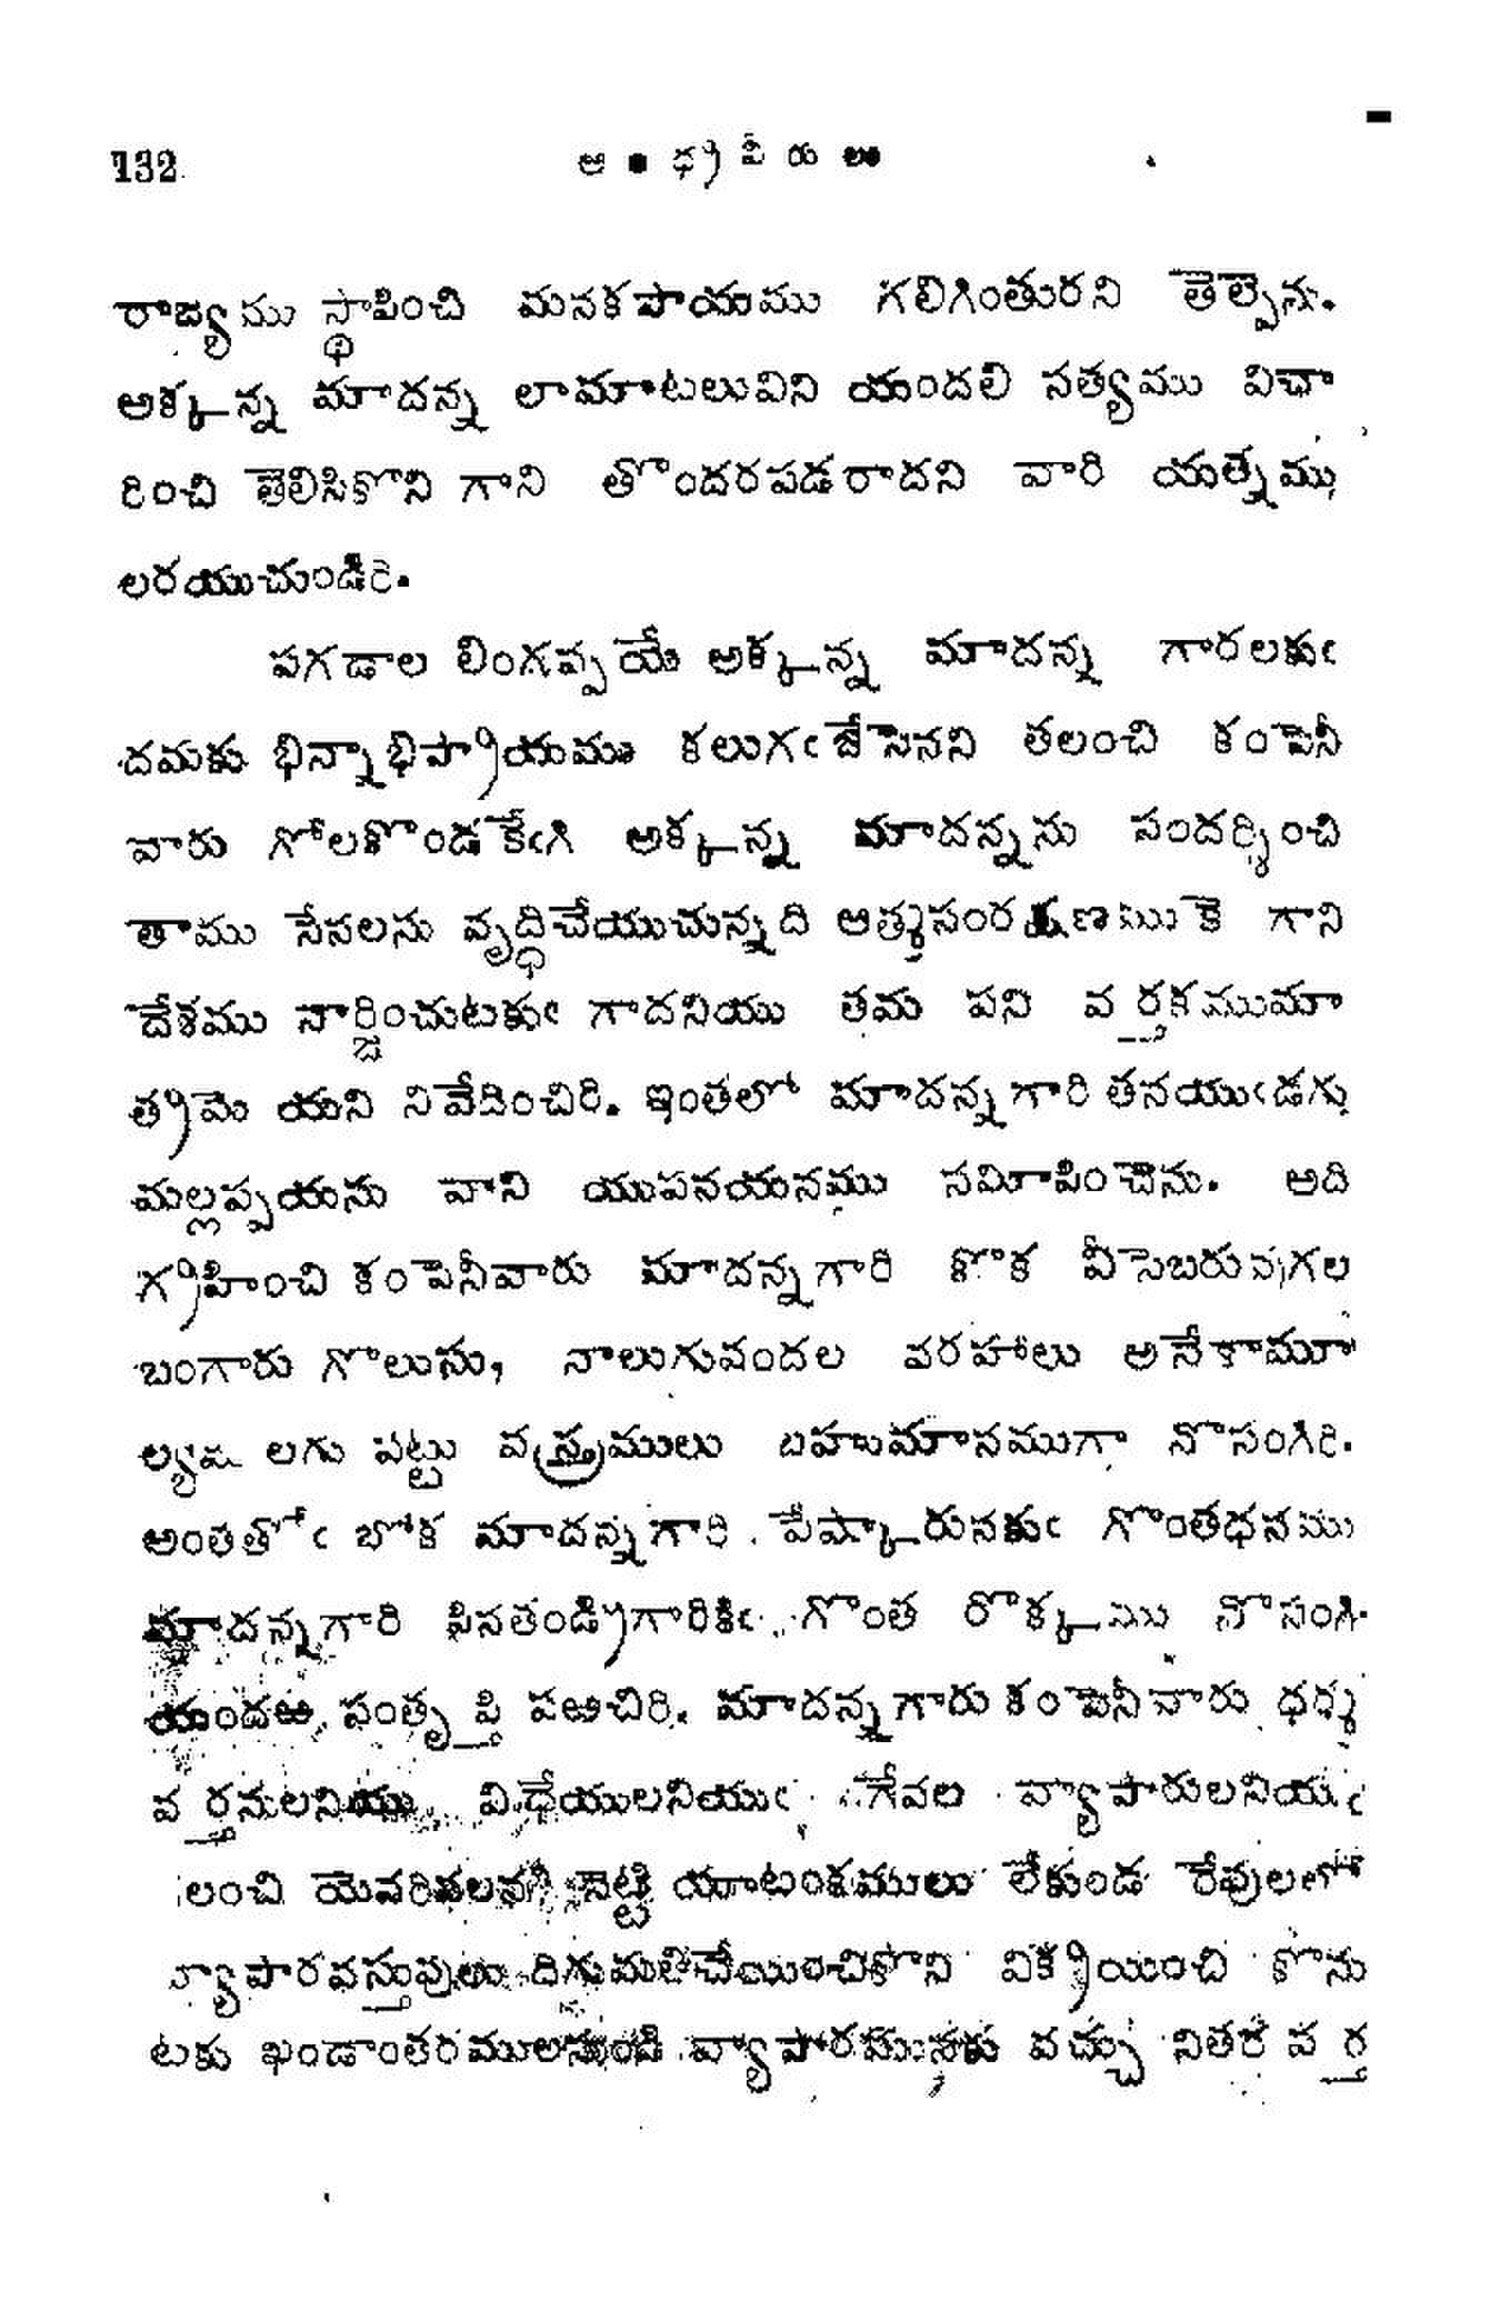రాజ్యము స్థాపించి మనకపాయము గలిగింతురని తెల్పెను. అక్కన్న మాదన్న లామాటలువిని యందలి సత్యము విచారించి తెలిసికొని గాని తొందరపడరాదని వారి యత్నము లరయుచుండిరి.

పగడాల లింగప్పయే అక్కన్న మాదన్న గారలకు దమకు భిన్నాభిప్రాయము కలుగ జేసెనని తలంచి కంపెనీ వారు గోలకొండకేగి అక్కన్న మాదన్నను సందర్శించి తాము సేనలను వృద్ధిచేయుచున్నది ఆత్మసంరక్షణముకె గాని దేశము నార్జించుటకు గాదనియు తమ పని వర్తకముమాత్రమె యని నివేదించిరి. ఇంతలో మాదన్నగారి తనయుడగు మల్లప్పయను వాని యుపనయనము సమీపించెను. అది గ్రహించి కంపెనీవారు మాదన్నగారి కొక వీసెబరువుగల బంగారు గొలుసు, నాలుగువందల వరహాలు అనేకామూల్యములగు పట్టు వస్త్రములు బహుమానముగా నొసంగిరి. అంతతో బోక మాదన్నగారి పేష్కారునకు గొంతధనము మాదన్నగారి పినతండ్రిగారికి గొంతరొక్కము నొసంగి యందఱ సంతృప్తి పఱచిరి. మాదన్నగారు కంపెనీవారు ధర్మ వర్తనులనియు విధేయులనియు గేవల వ్యాపారులనియు దలంచి యెవరివలన నెట్టి యాటంకములు లేకుండ రేవులలో వ్యాపారవస్తువులు దిగుమతిచేయించుకొని విక్రయించి కొనుటకు ఖండాంతరములనుండి వ్యాపారమునకు వచ్చు నితర వర్త